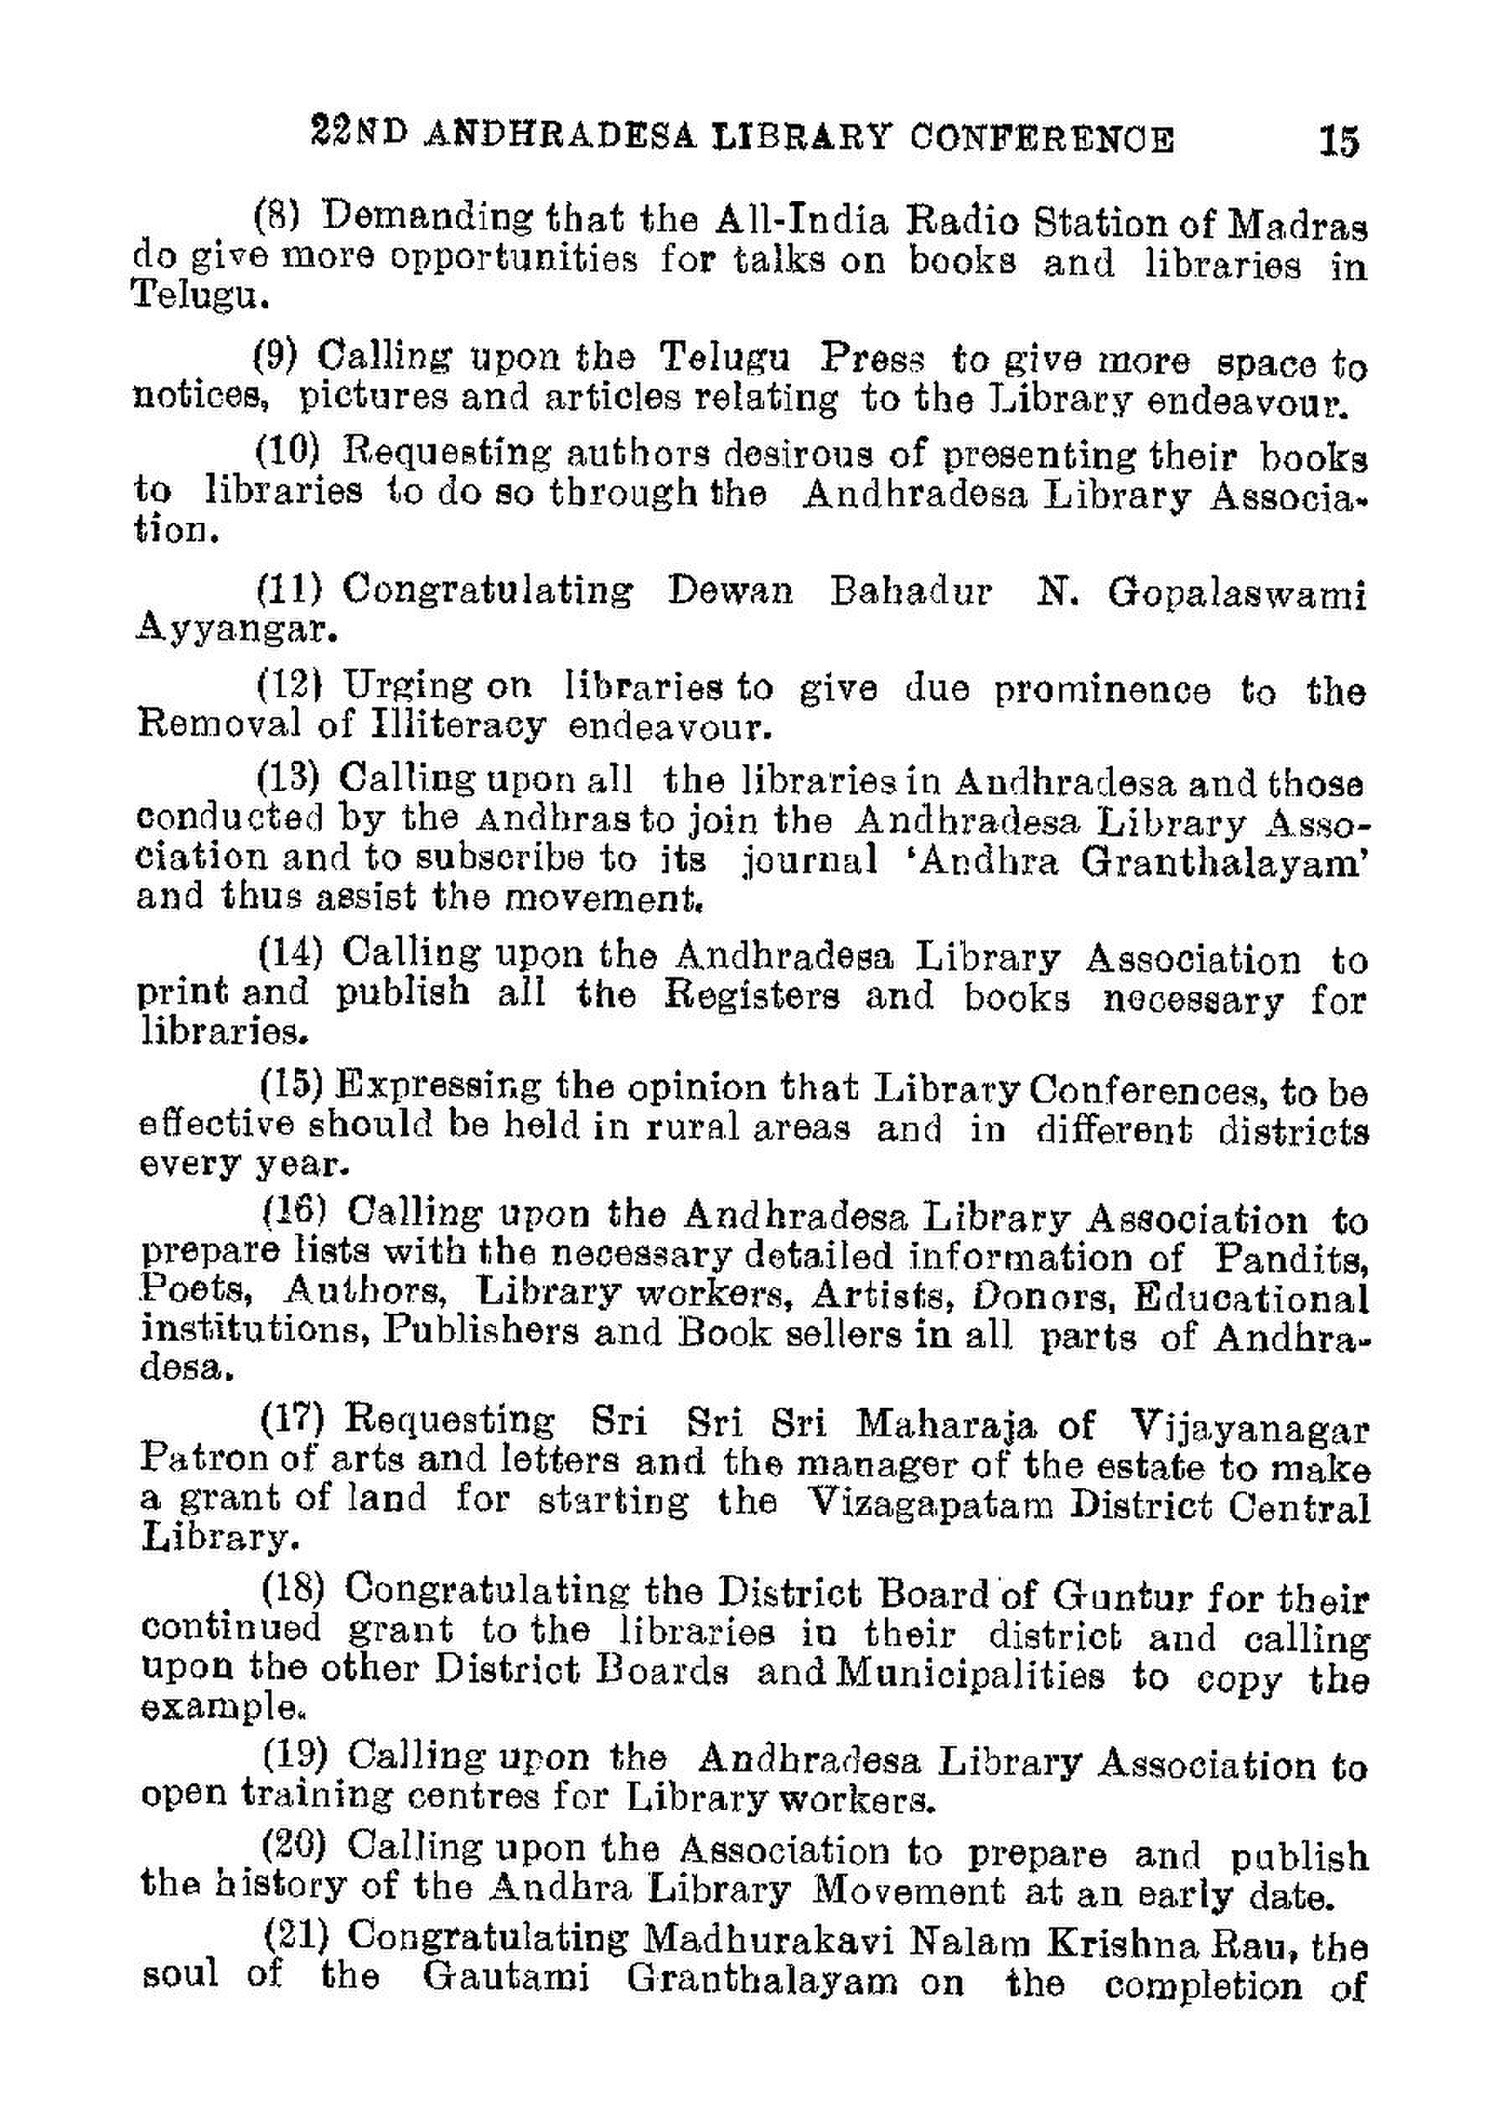(8) Demanding that the All-India Radio Station of Madras do give more opportunities for talks on 
books and libraries in Telugu.

(9) Calling upon the Telugu Press to give more space to notices, pictures and articles relating 
to the Library endeavor.

(10) Requesting authors desirous of presenting their books to libraries to do so through the 
Andhradesa Library Association.

(11) Congratulating Dewan Bahadur N. Gopalaswami Ayyangar.

(12) Urging on libraries to give due prominence to the Removal of Illiteracy endeavor.

(13) Calling upon all the libraries in Andhradesa and those conducted by the Andhras to join 
the Andhradesa Library Association and to subscribe to its journal 'Andhra Granthalayam'
and thus assist the movement.

(14) Calling upon the Andhradesa Library Association to print and publish all the Registers and 
books necessary for libraries.

(15) Expressing the opinion that Library Conferences, to be effective should be held in rural 
areas and in different districts every year.

(16) Calling upon the Andhradesa Library Association to prepare lists with the necessary 
detailed information of Pandits, Poets, Authors, Library workers, Artists, Donors, Educational
institutions, Publishers and Book sellers in all parts of Andhradesa.

(17) Requesting Sri Sri Sri Maharaja of Vijayanagar Patron of arts and letters and the manager 
of the estate to make a grant of land for starting the Vizagapatam District Central Library.

(18) Congratulating the District Board of Guntur for their continued grant to the libraries 
in their district and calling upon the other District Boards and Municipalities to copy the
example.

(19) Calling upon the Andhradesa Library Association to open training centers for Library workers.

(20) Calling upon the Association to prepare and publish the history of the Andhra Library Movement 
at an early date.

(21) Congratulating Madhurakavi Nalam Krishna Rau, the soul of the Gautami Granthalayam on the 
completion of